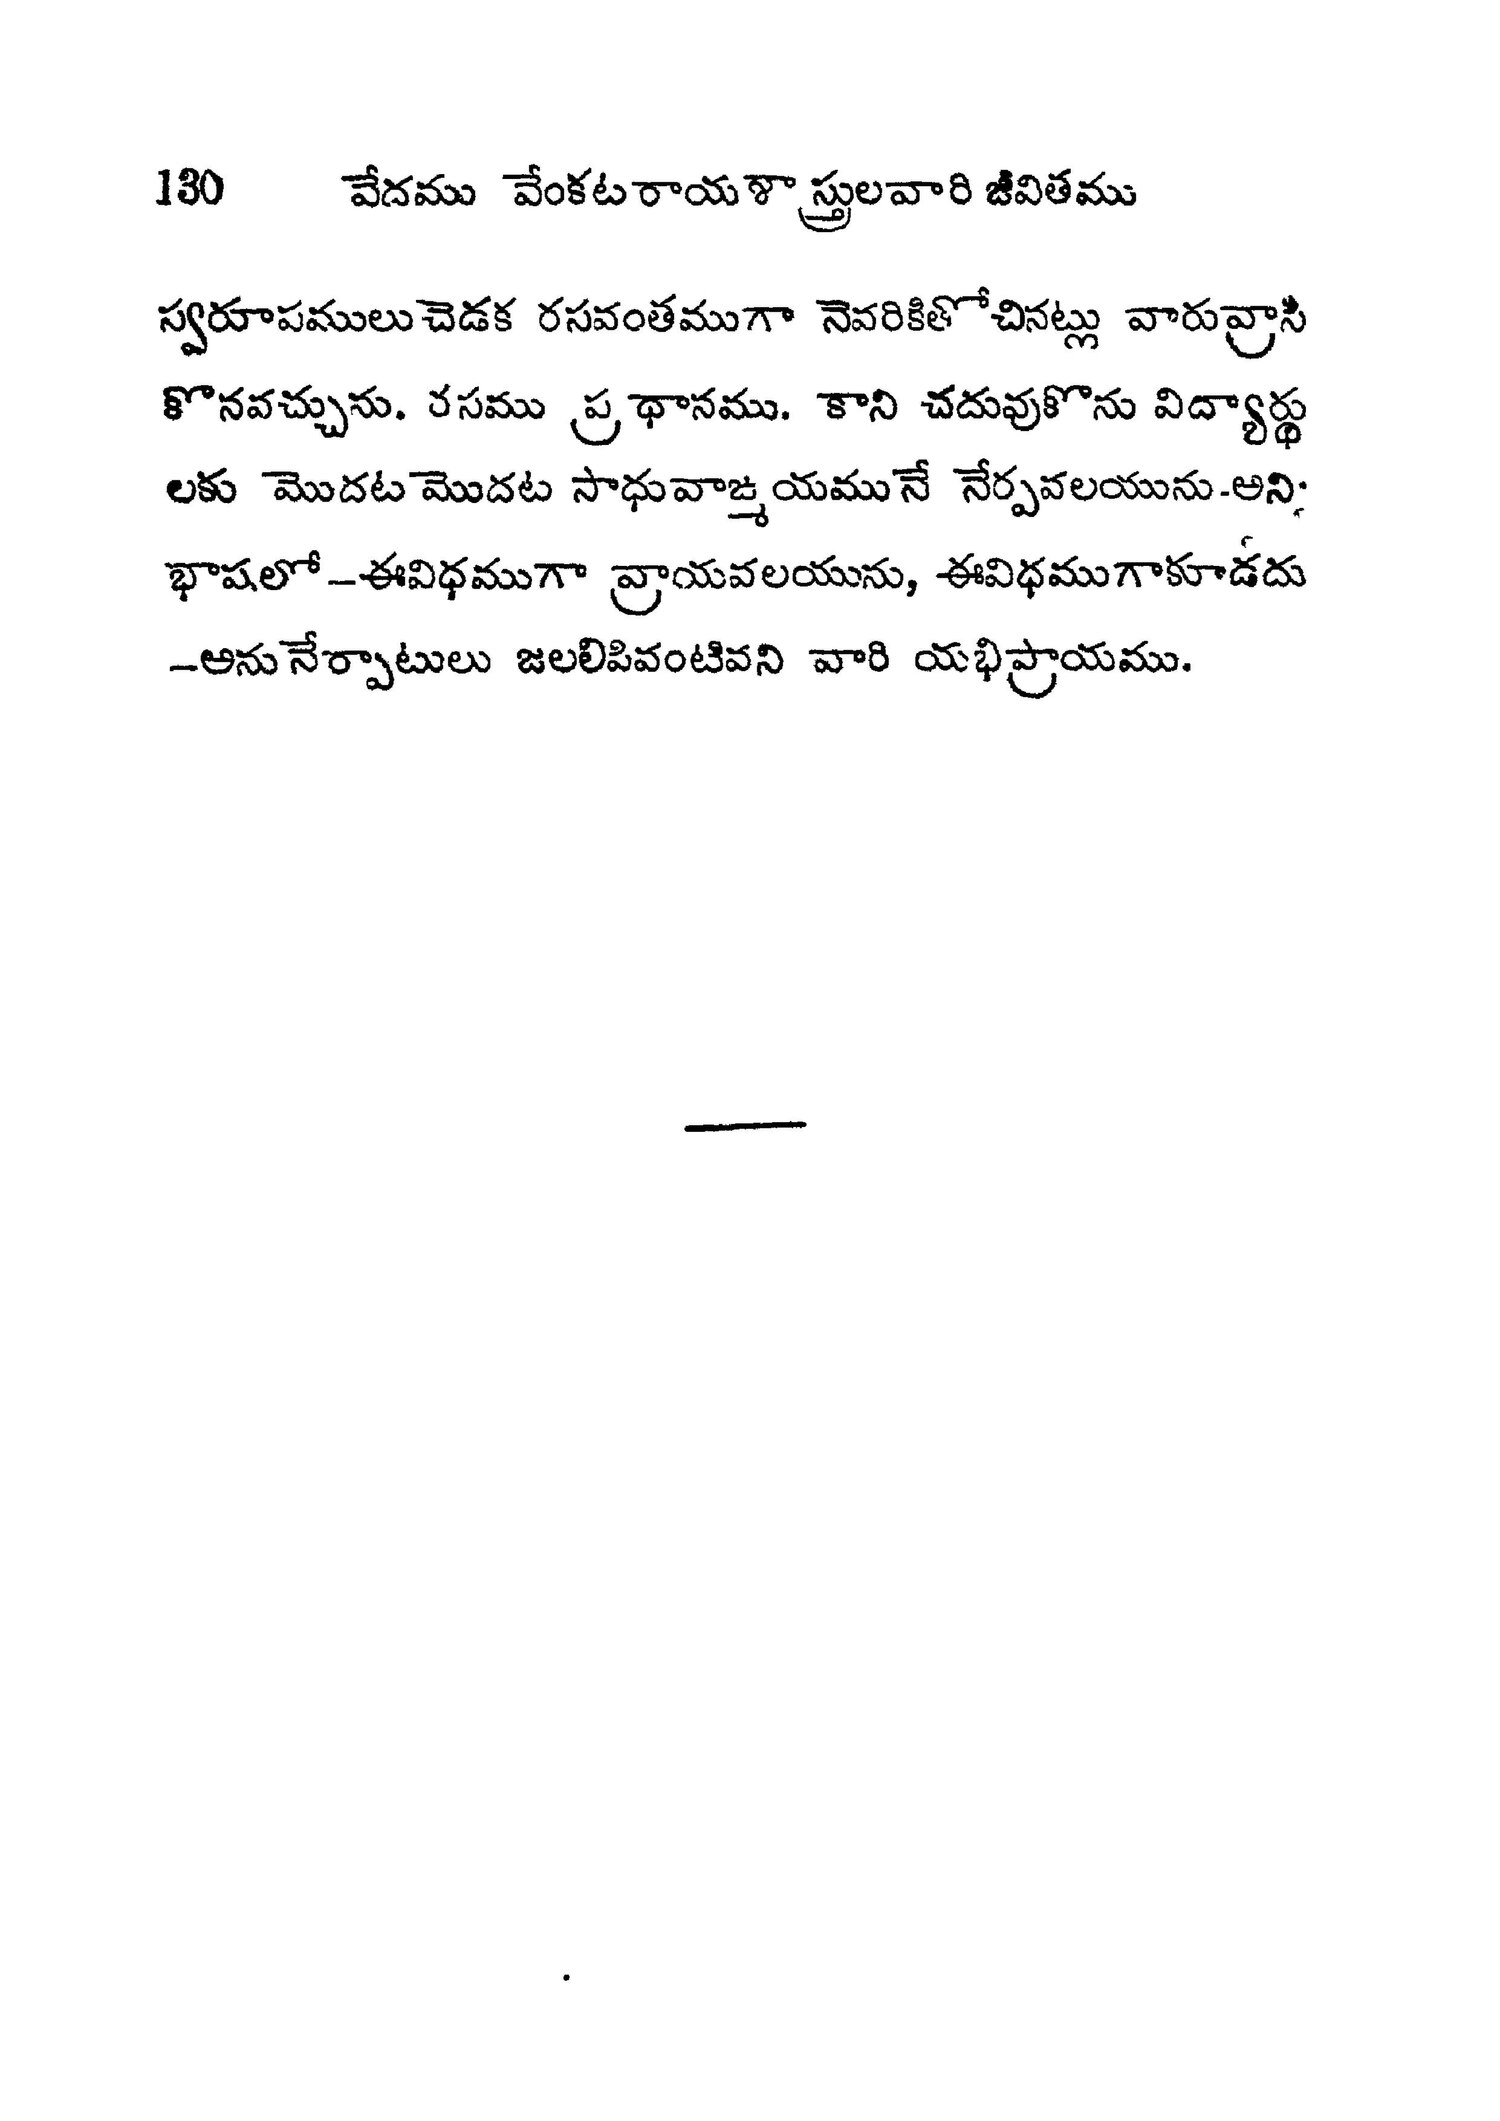స్వరూపములు చెడక రసవంతముగా నెవరికితోచినట్లు వారువ్రాసికొనవచ్చును. రసము ప్రథానము. కాని చదువుకొను విద్యార్థులకు మొదట మొదట సాధువాఙ్మయమునే నేర్పవలయును-అన్నిభాషలో - ఈవిధముగా వ్రాయవలయును, ఈవిధముగాకూడదు-అను నేర్పాటులు జలలిపివంటివని వారి యభిప్రాయము.

__________